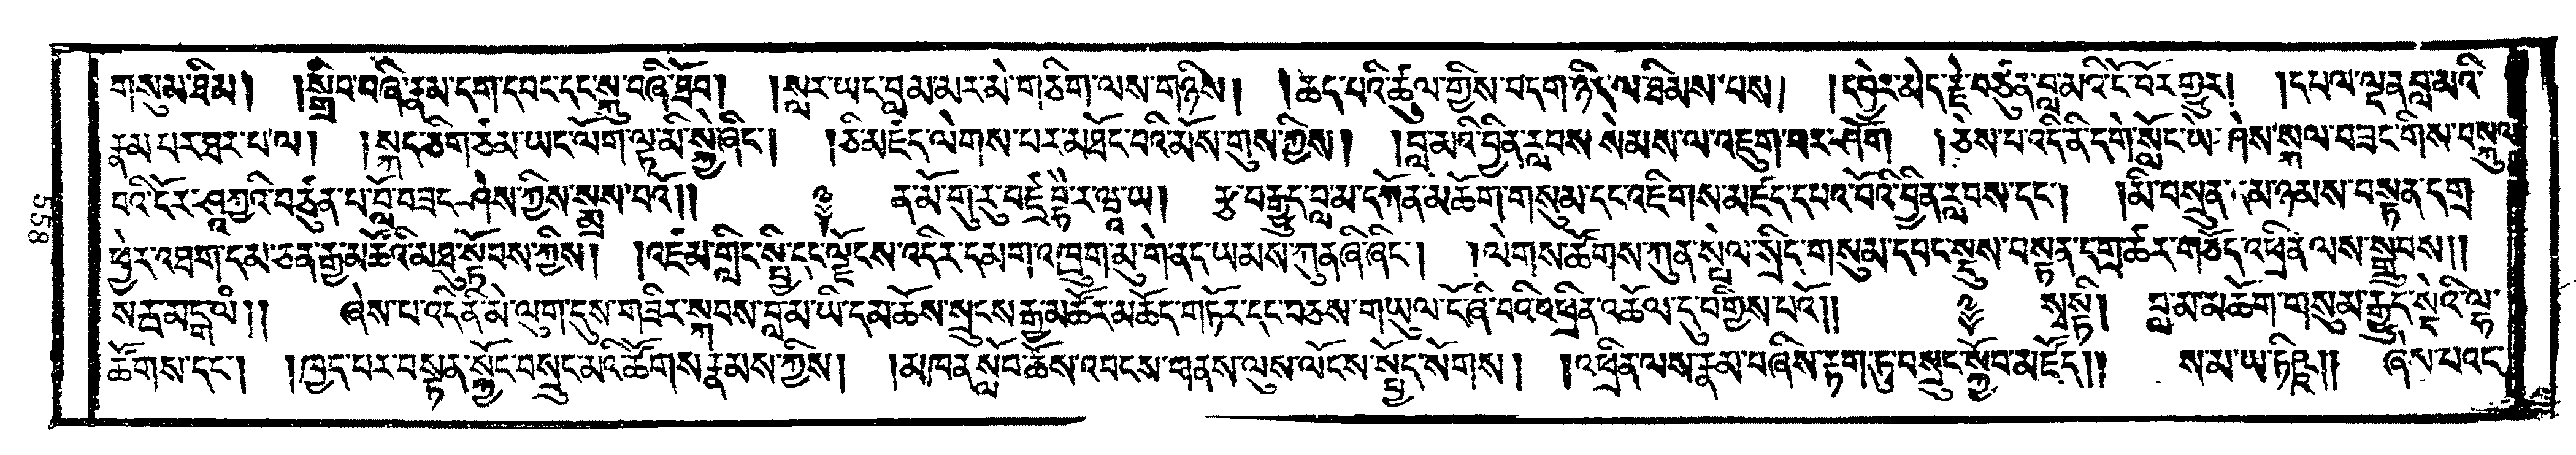གསུམ་ཐིམ། །སྒྲིབ་བཞི་རྣམ་ངག་དབང་དང་སྐུ་བཞི་ཐོབ། །སླར་ཡང་བླམ་མར་མེ་གཅིག་ལས་གཉིས། །ཆད་པའི་ཚུལ་གྱིས་བདག་ཉིད་ལ་ཐིམས་པས། །དབྱེར་མེད་རྗེ་བཙུན་བླ་མའི་ངོ་བོར་གྱུར། །དཔལ་ལྡན་བླ་མའི་
རྣམ་པར་ཐར་པ་ལ། །སྐད་ཅིག་ཙམ་ཡང་ལོག་ལྟ་མི་སྐྱེ་ཞིང་། །ཅི་མཛད་ལེགས་པར་མཐོང་བའི་མོས་གུས་གྱིས། །བླ་མའི་བྱིན་རླབས་སེམས་ལ་འཇུག་བར་ཤོག །ཅེས་པ་འདི་ནི་དགེ་སློང་ཡེ་ཤེས་སྐལ་བཟང་གིས་བསྐུལ་
བའི་ངོར་ཤཱཀྱའི་བཙུན་པ་བློ་བཟང་ཤེས་ཀྱིས་སྨྲས་བའོ།། ༈ ན་མོ་གུ་རུ་བཛྲ་བྷཻ་ར་ཝཱ་ཡ། རྩ་བརྒྱུད་བླ་མ་དཀོན་མཆོག་གསུམ་དང་འཇིགས་མཛད་དཔའ་བོའི་བྱིན་རླབས་དང་། །མི་བསྲུན་དམ་ཉམས་བསྟན་དགྲ་
ཕྱེར་འཐག་དམ་ཅན་རྒྱ་མཚོའི་མཐུ་སྟོབས་ཀྱིས། །འཛམ་གླིང་སྤྱི་དང་ལྗོངས་འདིར་དམག་འཁྲུག་མུ་གེ་ནད་ཡམས་ཀུན་ཞི་ཞིང་། །ལེགས་ཚོགས་ཀུན་སྤེལ་སྲིད་གསུམ་དབང་སྡུས་བསྟན་དགྲ་ཚར་གཅོད་འཕྲིན་ལས་སྒྲུབས།།
སརྦ་མངྒ་ལཾ།། ཞེས་པ་འདི་ནི་མེ་ལུག་དུས་གཟིར་སྐབས་བླ་མ་ཡི་དམ་ཆོས་སྲུངས་རྒྱ་མཚོར་མཆོད་གཏོར་དང་བཅས་གཡུལ་ངོ་ཞི་བའི་འཕྲིན་འཆོལ་དུ་བགྱིས་པའོ།། ༈ སྭསྟི། བླ་མ་མཆོག་གསུམ་རྒྱུད་སྡེའི་ལྷ་
ཚོགས་དང་། །ཁྱད་པར་བསྟན་སྐྱོང་བསྲུང་མའི་ཚོགས་རྣམས་ཀྱིས། །མཁན་སློབ་ཆོས་འབངས་གནས་ལུས་ལོངས་སྤྱོད་སོགས། །འཕྲིན་ལས་རྣམ་བཞིས་རྟག་ཏུ་བསྲུང་སྐྱོབ་མཛོད།། ས་མ་ཡ་ཏིཥྵ།། ཞེས་པའང་